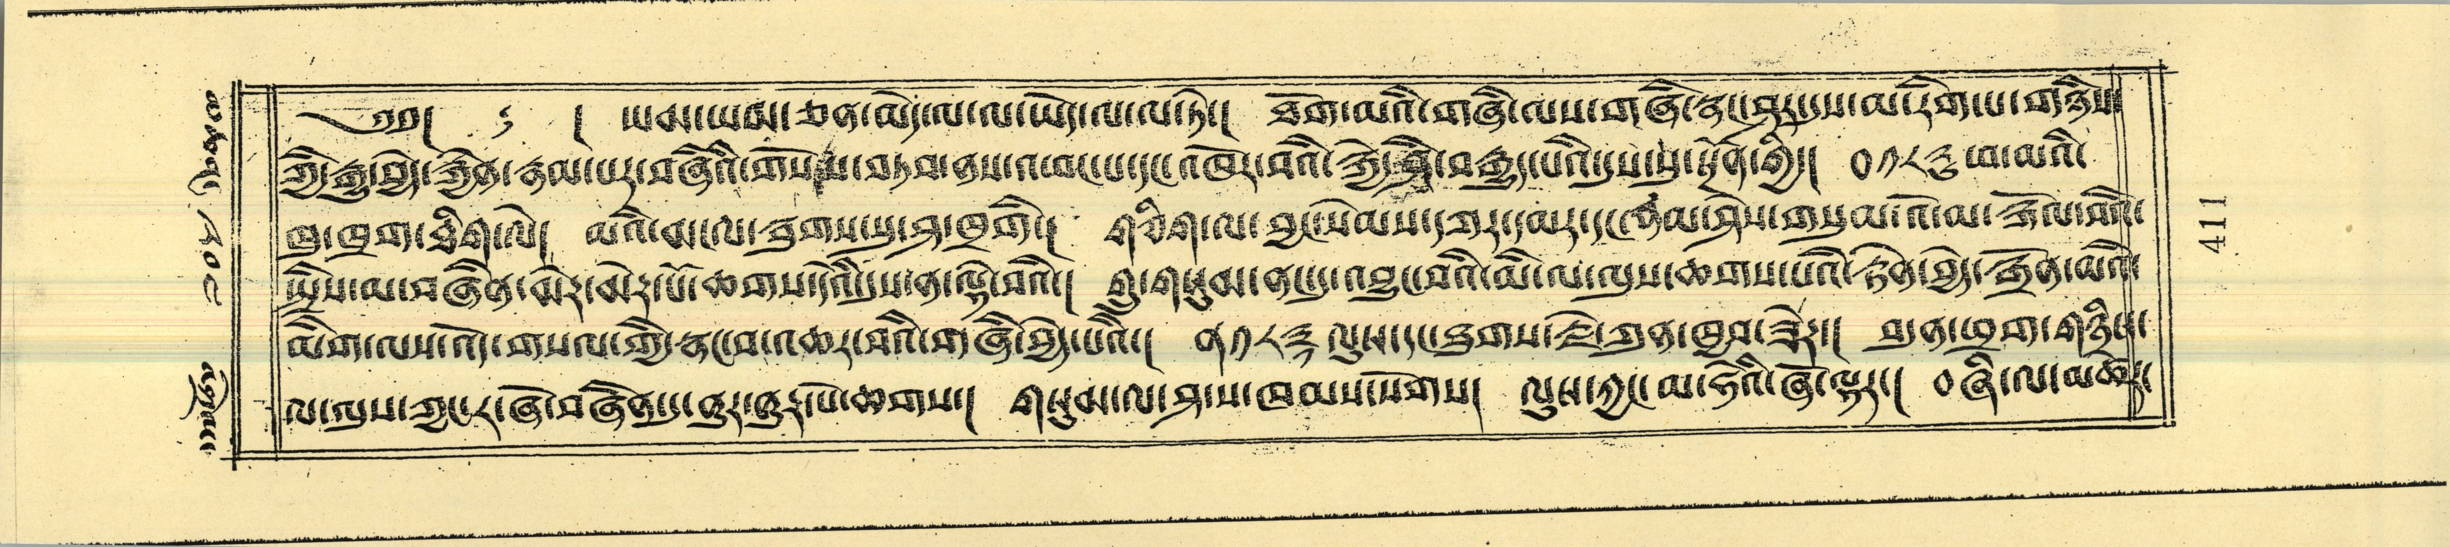ཡམ་ཡམ་ཅན་མེད་ལ་ལ་ཡོད་ལ་ལ་ཏེ། ཐོག་མའི་གཞི་ལ་གཞི་སྣང་ཤར་དུས་མ་རིག་པ་གཉིས་
ཀྱི་རྒྱུ་བྱེད་རྐྱེན་རྣམ་པར་བཞིའི་གསོལ་བཏབ་ནས་འཕང་བ་དང་འཁོར་བའི་སྐྱེ་ཤི་བརྒྱུད་པའི་དུས་སུ་སྔོན་གྱི་ བ༡༨༢།༦ཕ་མའི་
ཁུ་ཁྲག་ མའི་མངལ་སྦུག་སུ་ཤ་ཁྲག་གིས། གཅིག་ལ་བྱང་སེམས་དཀར་དམར་དང་རྣམ་ཤེས་གསུམ་འོ་མ་བསྐོལ་བའི་
སྤྲིན་པ་བཞིན་མེར་མེར་པོ་ཆགས་དེའི་དུས་ན་ལྟེ་བའི་ གྲུ་གསུམ་ནང་དུ་འབྱུང་བའི་མི་ལ་ལུས་ཆགས་པའི་རྟེན་བྱེད་སྒྲོན་མའི་
མིག་ལས་འོད་གསལ་གྱི་སྣང་བ་འཆར་བའི་གཞི་བྱེད་པའི་ ན༡༨༣།༡ལུས་དང་ཐུགས་རྗེ་ཀུན་ཁྱབ་ཟེར། བདུན་ཕྲག་གཉིས་
ལ་ལུས་ཀྱང་ར་ཞོ་བཞིན་དུ་ནུར་ནུར་པོ་ཆགས། གསུམ་ལ་ཤ་ས་ཁམས་སོགས་ ལུས་ཀྱང་མ་ཧེའི་ཞོ་ལྟར་ བཞི་ལ་མཚེར་